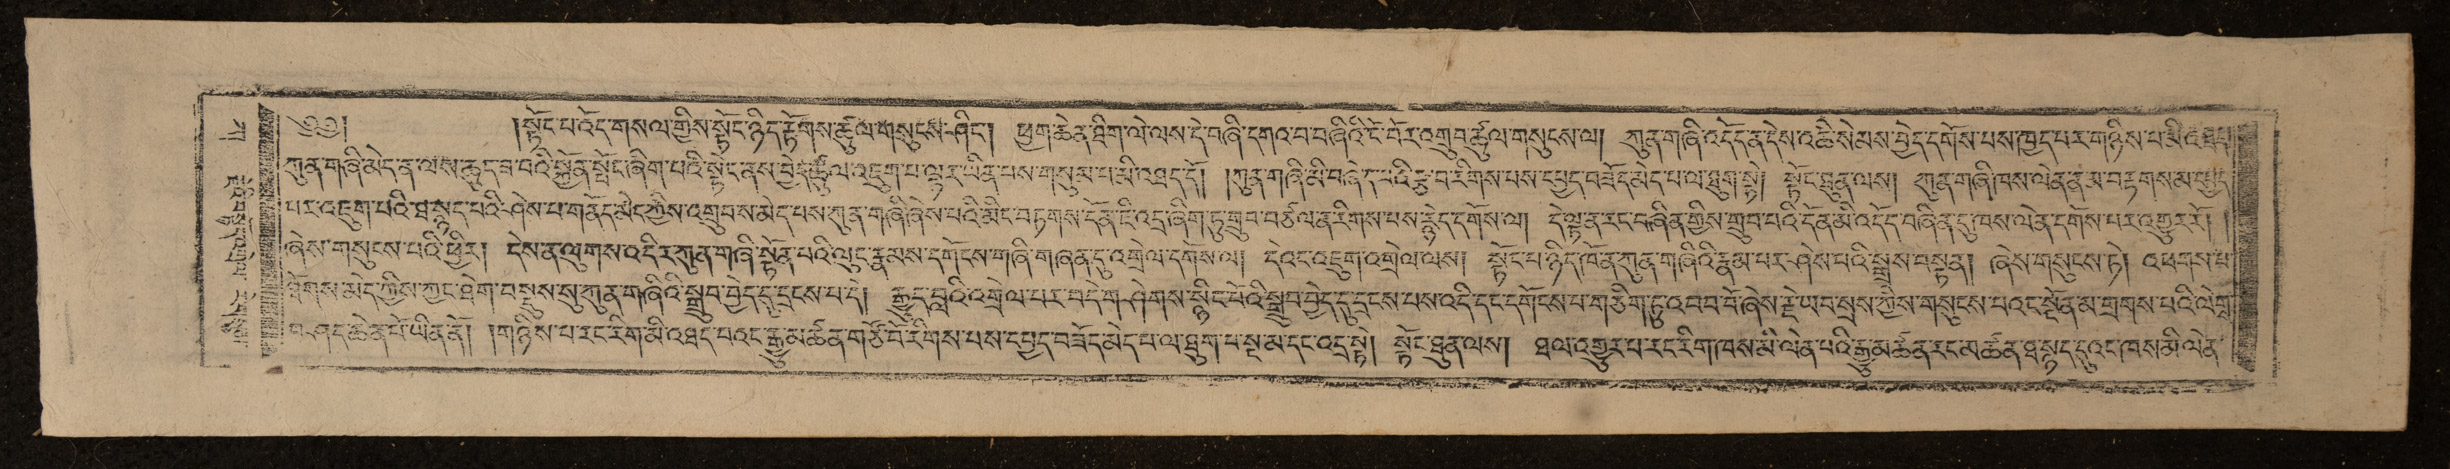༄༅། །སྟོང་པ་འོད་གསལ་གྱིས་སྟོང་ཉིད་རྟོགས་ཚུལ་གསུངས་ཤིང་། ཕྱག་ཆེན་ཐིག་ལེ་ལས་དེ་བཞི་དགའ་བ་བཞིའི་ངོ་བོར་འགྲུབ་ཚུལ་གསུངས་ལ། ཀུན་གཞི་འདོད་ན་དེས་འཆི་སེམས་བྱེད་དགོས་པས་ཁྱད་པར་གཉིས་པ་མི་འཐང་
ཀུན་གཞི་མེད་ན་ལས་ཆུད་ཟ་བའི་སྐྱོན་སྤོང་ཞིག་བའི་སྟེང་ནས་བྱེད་ཚུལ་འཇུག་བ་ལྟར་ཡིན་པས་གསུམ་བ་མི་འཐད་དོ། །ཀུན་གཞི་མི་བཞེད་པའི་རྩ་བ་རིགས་པས་དབྱད་བཟོད་མེད་པ་ལ་ཐུག་སྟེ། སྟོང་ཐུན་ལས། ཀུན་གཞི་ཁས་ལེན་ནམ་པ་རྟགས་མ་དཔྱད་
བར་འཇུག་པའི་ཐ་སྙད་པའི་ཤེས་པ་གནོད་མེད་ཀྱིས་འགྲུབས་མེད་པས་ཀུན་གཞི་ཞེས་བའི་མིང་བཏགས་དོན་ཇི་འདྲ་ཞིག་ཏུ་གྲུབ་བཙལ་ན་རིགས་པས་རྙེད་དགོས་ལ། དེ་ལྟ་ན་རང་བཞིན་གྱིས་གྲུབ་པའི་དོན་མི་འདོད་བཞིན་དུ་ཁས་ལེན་དགོས་པར་འགྱུར་རོ། །
ཞེས་གསུངས་པའི་ཕྱིར། དེས་ན་ལུགས་འདིར་ཀུན་གཞི་སྟོན་པའི་ལུང་རྣམས་དགོངས་གཞི་གཞན་དུ་འགྲེལ་དགོས་ལ། དེའང་འཇུག་འགྲེལ་ལས། སྟོང་པ་ཉིད་ཁོ་ན་ཀུན་གཞིའི་རྣམ་པར་ཤེས་པའི་སྒྲས་བསྟན། ཞེས་གསུངས་ཏེ། འཕགས་པ་
ཐོགས་མེད་ཀྱིས་ཀྱང་ཐེག་བསྡུས་སུ་ཀུན་གཞིའི་སྒྲུབ་བྱེད་དུ་དྲངས་བ་དེ། རྒྱུད་བླའི་འགྲེལ་བར་བདེ་གཤེགས་སྙིང་པོའི་སྒྲུབ་བྱེད་དུ་དྲངས་པས་འདི་དང་དགོངས་པ་གཅིག་ཏུ་འབབ་བོ་ཞེས་རྗེ་ཡབ་སྲས་ཀྱིས་གསུངས་པའང་སྔོན་མ་གྲགས་པའི་ལེགས་
བཤད་ཆེན་པོ་ཡིན་ནོ། །གཉིས་པ་རང་རིག་མི་འཐད་པའང་རྒྱུ་མཚན་གཙོ་བོ་རིགས་པས་དཔྱད་བཟོད་མེད་པ་ལ་ཐུག་པ་སྔ་མ་དང་འདྲ་སྟེ། སྟོང་ཐུན་ལས། ཐལ་འགྱུར་བ་རང་རིག་ཁས་མི་ལེན་པའི་རྒྱུ་མཚན་རང་མཚན་ཐ་སྙད་དུའང་ཁས་མི་ལེན་